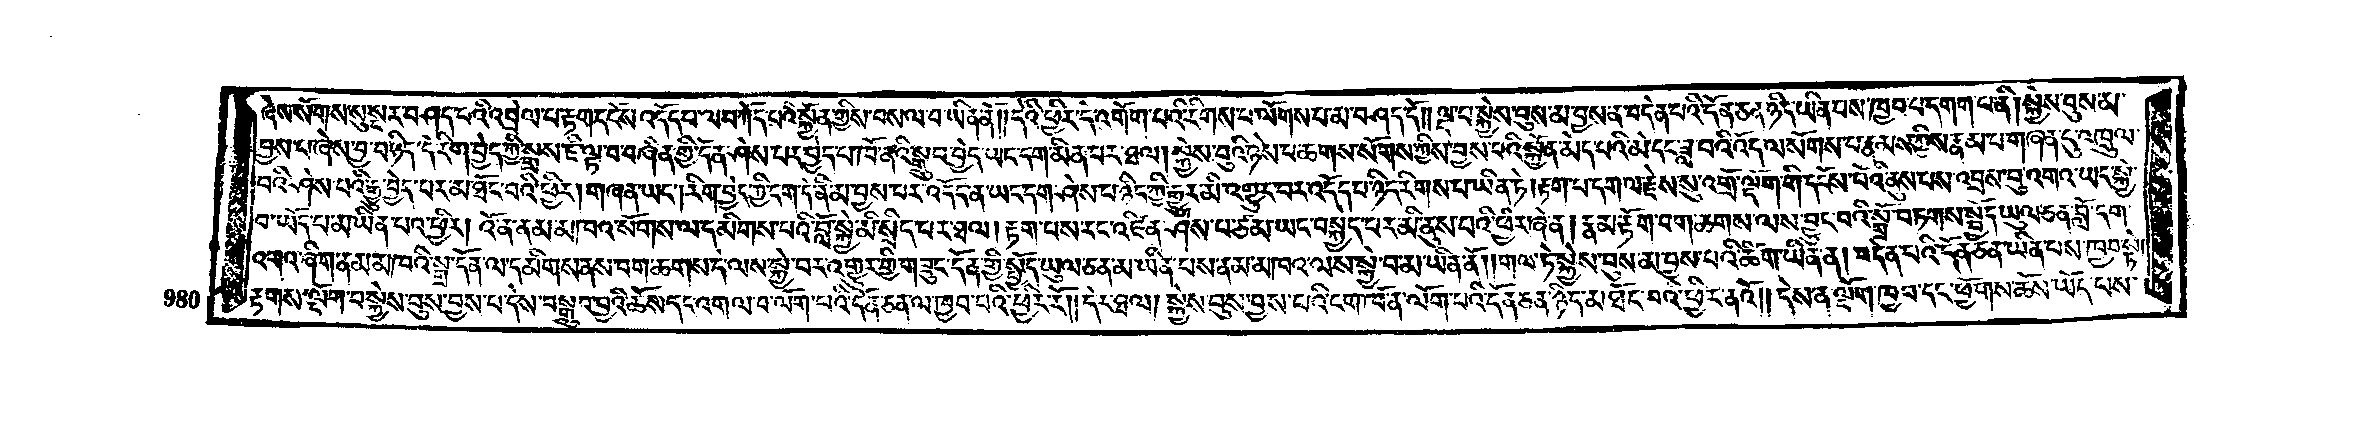ཞེས་སོགས་སུ་སྔར་བཤད་པའི་འབྲེལ་བ་རྟག་དངོས་འདོད་པ་ལ་བཀོད་པའི་སྐྱོན་གྱིས་བསལ་བ་ཡིན་ནོ། །དེའི་ཕྱིར་དེ་འགོག་པའི་རིགས་པ་ལོགས་པ་མ་བཤད་དོ། །ལྔ་པ་སྐྱེས་བུས་མ་བྱས་ན་བདེན་པའི་དོན་ཅན་ཉིད་ཡིན་པས་ཁྱབ་པ་དགག་པ་ནི། སྐྱེས་བུས་མ་
བྱས་པ་ཞེས་བྱ་བ་ཉིད་དེ་རིག་བྱེད་ཀྱི་སྒྲས་ཇི་ལྟ་བ་བཞིན་གྱི་དོན་ཤེས་པར་བྱེད་པ་ཁོ་ནའི་སྒྲུབ་བྱེད་ཡང་དག་མིན་པར་ཐལ། སྐྱེས་བུའི་ཉེས་པ་ཆགས་སོགས་ཀྱིས་བྱས་པའི་སྐྱོན་མེད་པའི་མེ་དང་ཟླ་བའི་འོད་ལ་སོགས་པ་རྣམས་ཀྱིས་རྣམ་པ་གཞན་དུ་འཁྲུལ་
བའི་ཤེས་པའི་རྒྱུ་བྱེད་པར་མཐོང་བའི་ཕྱིར། གཞན་ཡང་། རིག་བྱེད་ཀྱི་དག་དེ་ནི་མ་བྱས་པར་འདོད་ན་ཡང་དག་ཤེས་པ་ཉིད་ཀྱི་རྒྱུར་མི་འགྱུར་བར་འདོད་པ་ཉིད་རིགས་པ་ཡིན་ཏེ། རྟག་པ་དག་ལ་རྗེས་དུ་འགྲོ་ལྡོག་གི་དངོས་པོའི་ནུས་པས་འབྲས་བུ་འགའ་ཡང་སྐྱེ་
བ་ཡོད་པ་མ་ཡིན་པའི་ཕྱིར། འོ་ན་ནམ་མཁའ་སོགས་ལ་དམིགས་པའི་བློ་སྐྱེ་མི་སྲིད་པར་ཐལ། རྟག་པས་རང་འཛིན་ཤེས་པ་ཙམ་ཡང་བསྐྱེད་པར་མི་ནུས་པའི་ཕྱིར་ཞེ་ན། རྣམ་རྟོག་བག་ཆགས་ལས་བྱུང་བའི་སྒྲོ་བཏགས་སྤྱོད་ཡུལ་ཅན་བློ་དག་
འགའ་ཞིག་ནམ་མཁའི་སྒྲ་དོན་ལ་དམིགས་ནས་བག་ཆགས་དེ་ལས་སྐྱེ་བར་འགྱུར་གྱི་གཟུང་དོན་གྱི་སྤྱོད་ཡུལ་ཅན་མ་ཡིན་པས་ནམ་མཁའ་ལས་སྐྱེ་བ་མ་ཡིན་ནོ། །གལ་ཏེ་སྐྱེས་བུས་མ་བྱས་པའི་ཚིག་ཡིན་ན། བདེན་པའི་དོན་ཅན་ཡིན་པས་ཁྱབ་སྟེ།
རྟགས་ལྡོག་པ་སྐྱེས་བུས་བྱས་པ་དེས་བསྒྲུབ་བྱའི་ཆོས་དང་འགལ་བ་ལོག་པའི་དོན་ཅན་ལ་ཁྱབ་པའི་ཕྱིར་རོ། །དེར་ཐལ། སྐྱེས་བུས་བྱས་པའི་ངག་ཁོ་ན་ལོག་པའི་དོན་ཅན་ཉིད་མཐོང་བའི་ཕྱིར་ནའོ། །དེས་ན་ལྡོག་ཁྱབ་དང་ཕྱོགས་ཆོས་ཡོད་པས་